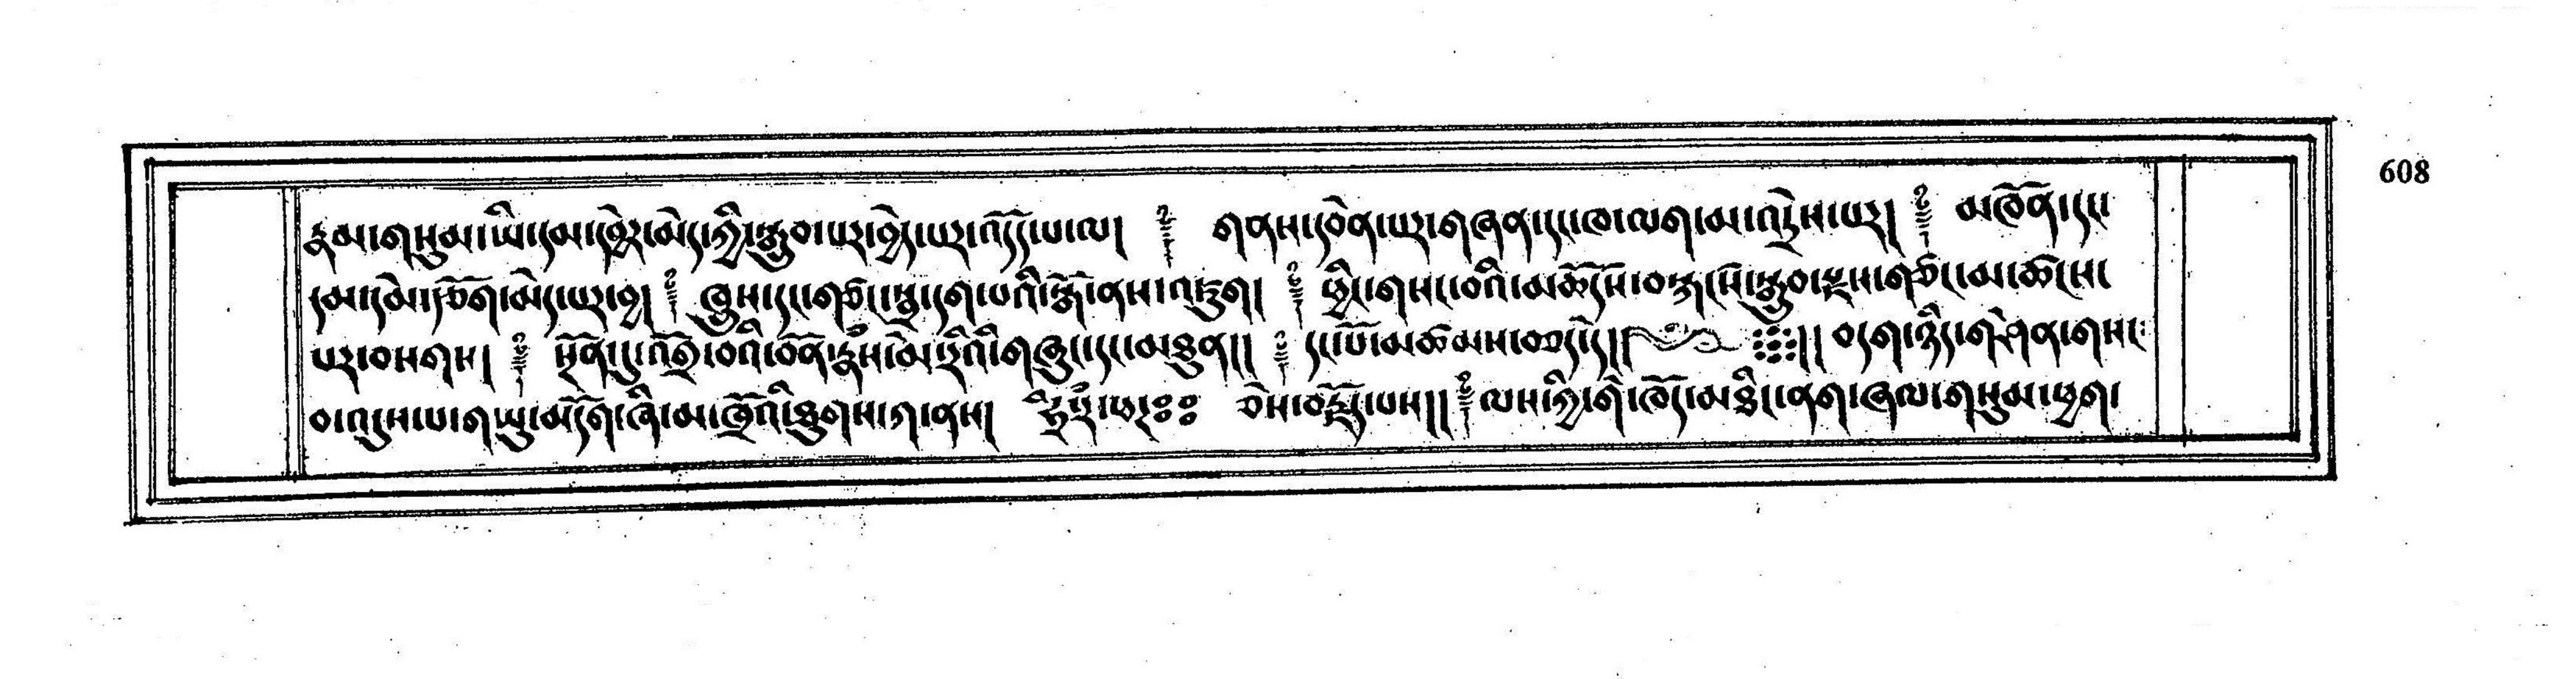རྣམ་གསུམ་ཡི་དམ་དབྱེར་མེད་ཀྱི་སྒྲུབ་པར་བྱེད་པར་འདོད་པ་ལ། ༈ གནས་དབེན་པར་གཞན་དང་ཁ་ལག་མ་འདྲེས་པར། ༈ མཁོན་དང་
དམ་དམེ་རྩོག་མེད་པར་བྱ། ༈ ཁྲུས་དང་གཙང་སྦྲ་དག་པའི་སྒོ་ནས་འཇུག ༈ ཕྱི་ནང་གསང་བའི་མཆོད་རྫས་བསྐང་རྫས་སྒྲུབ་རྫས་གཙང་མ་ཚངས་
པར་བསགས། ༈ སྔོན་དུ་འགྲོ་བའི་བོན་རྣམས་མེ་རིའི་གཞུང་དང་མཐུན།། ༈ དང་པོ་མཚམས་བཅད་དེ།། །།བདག་ཉིད་གཤེན་གསང་
བ་འདུས་པ་གཡུ་མདོག་ཞི་མ་ཁྲོའི་ཐུགས་ཀ་ནས། ཧྲི་རཾ་ཕཊཿ༔ ཅེས་བརྗོད་པས།། ༈ ལས་ཀྱི་གེ་ཁོད་མཐིང་ནག་ཞལ་གསུམ་ཕྱག་